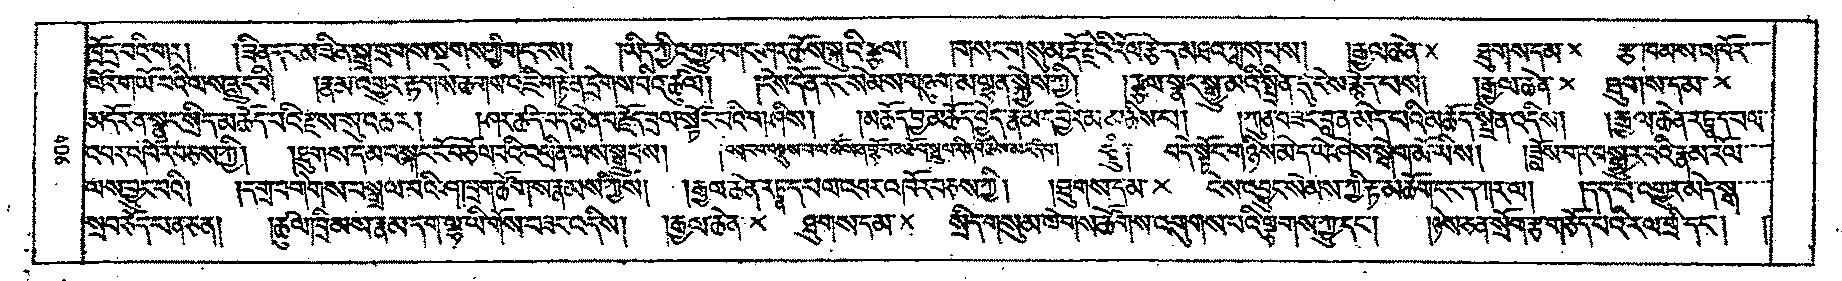ཁྲོ་དྲ་བའི་གར། །ཟིན་དང་མ་ཟིན་སྒྲ་གྲགས་སྔགས་ཀྱི་གདངས། །ཡིད་ཀྱི་འགྱུ་བ་གང་ཤར་ཆོས་སྐུའི་རྩལ། །གསང་གསུམ་རྡོ་རྗེའི་རོལ་རྩེད་མཐའ་ཀླས་པས། །རྒྱལ་ཆེན་྾་ཐུགས་དམ་྾་རྩ་ཁམས་འཁོར་
ལོར་གཡོ་བའི་ལས་རླུང་གི །རྣམ་འགྱུར་རྟགས་ཆགས་འཇིག་རྟེན་དྲེགས་པའི་ཚུལ། །ངེས་དོན་རང་སེམས་གཉུག་མ་ལྷན་སྐྱེས་ཀྱི། །རྩལ་སྣང་སྒྱུ་མའི་སྤྲིན་དུ་ངེས་རྙེད་པས། །རྒྱལ་ཆེན་྾་ཐུགས་དམ་྾་
མདོར་ན་སྣང་སྲིད་མཆོད་པའི་རྫས་སུ་འཆར། །ཤར་ཚད་བདེ་ཆེན་བརྗོད་བྲལ་སྟོང་པའི་གཤིས། །མཆོད་བྱ་མཆོད་བྱེད་རྣམ་དབྱེར་མ་མཆིས་པ། །ཀུན་བཟང་བླ་ན་མེད་པའི་མཆོད་སྤྲིན་འདིས། །རྒྱལ་ཆེན་རཏྣ་དཔལ་
འབར་འཁོར་བཅས་ཀྱི། །ཐུགས་དམ་བསྐང་ངོ་བཅོལ་བའི་འཕྲིན་ལས་སྒྲུབས། ། བསྐང་བ་བསྡུས་པ་ལ་མོས་ན་ལྷོ་པ་མཆོག་སྤྲུལ་རིན་པོ་ཆེས་མཛད་པ།  ཧཱུཾ༑ བདེ་སྟོང་གཉིས་མེད་ཡེ་ཤེས་སྒེག་མོ་ཡིས། །ཟློས་གར་བསྒྱུར་བའི་རྣམ་རོལ་
ལས་བྱུང་བའི། །དགྲ་བགེགས་བསྒྲལ་བའི་ཤ་ཁྲག་ཚོགས་རྣམས་ཀྱིས། །རྒྱལ་ཆེན་རཏྣ་དཔལ་འབར་འཁོར་བཅས་ཀྱི། །ཐུགས་དམ་྾་ངེས་འབྱུང་སེམས་ཀྱི་རྟ་མཆོག་དང་དཀར་ལ། །དད་པ་འགྱུར་མེད་སྒ་
སྲབ་ཅོད་པན་ཅན། །ཚུལ་ཁྲིམས་རྣམ་དག་ལྷ་ཡི་གོས་བཟང་འདིས། །རྒྱལ་ཆེན་྾་ཐུགས་དམ་྾་སྲིད་གསུམ་ལེགས་ཚོགས་འགུགས་པའི་ལྕགས་ཀྱུ་དང་། །ཉེས་ཅན་སྲོག་རྩ་གཅོད་པའི་རལ་གྲི་དང་། །